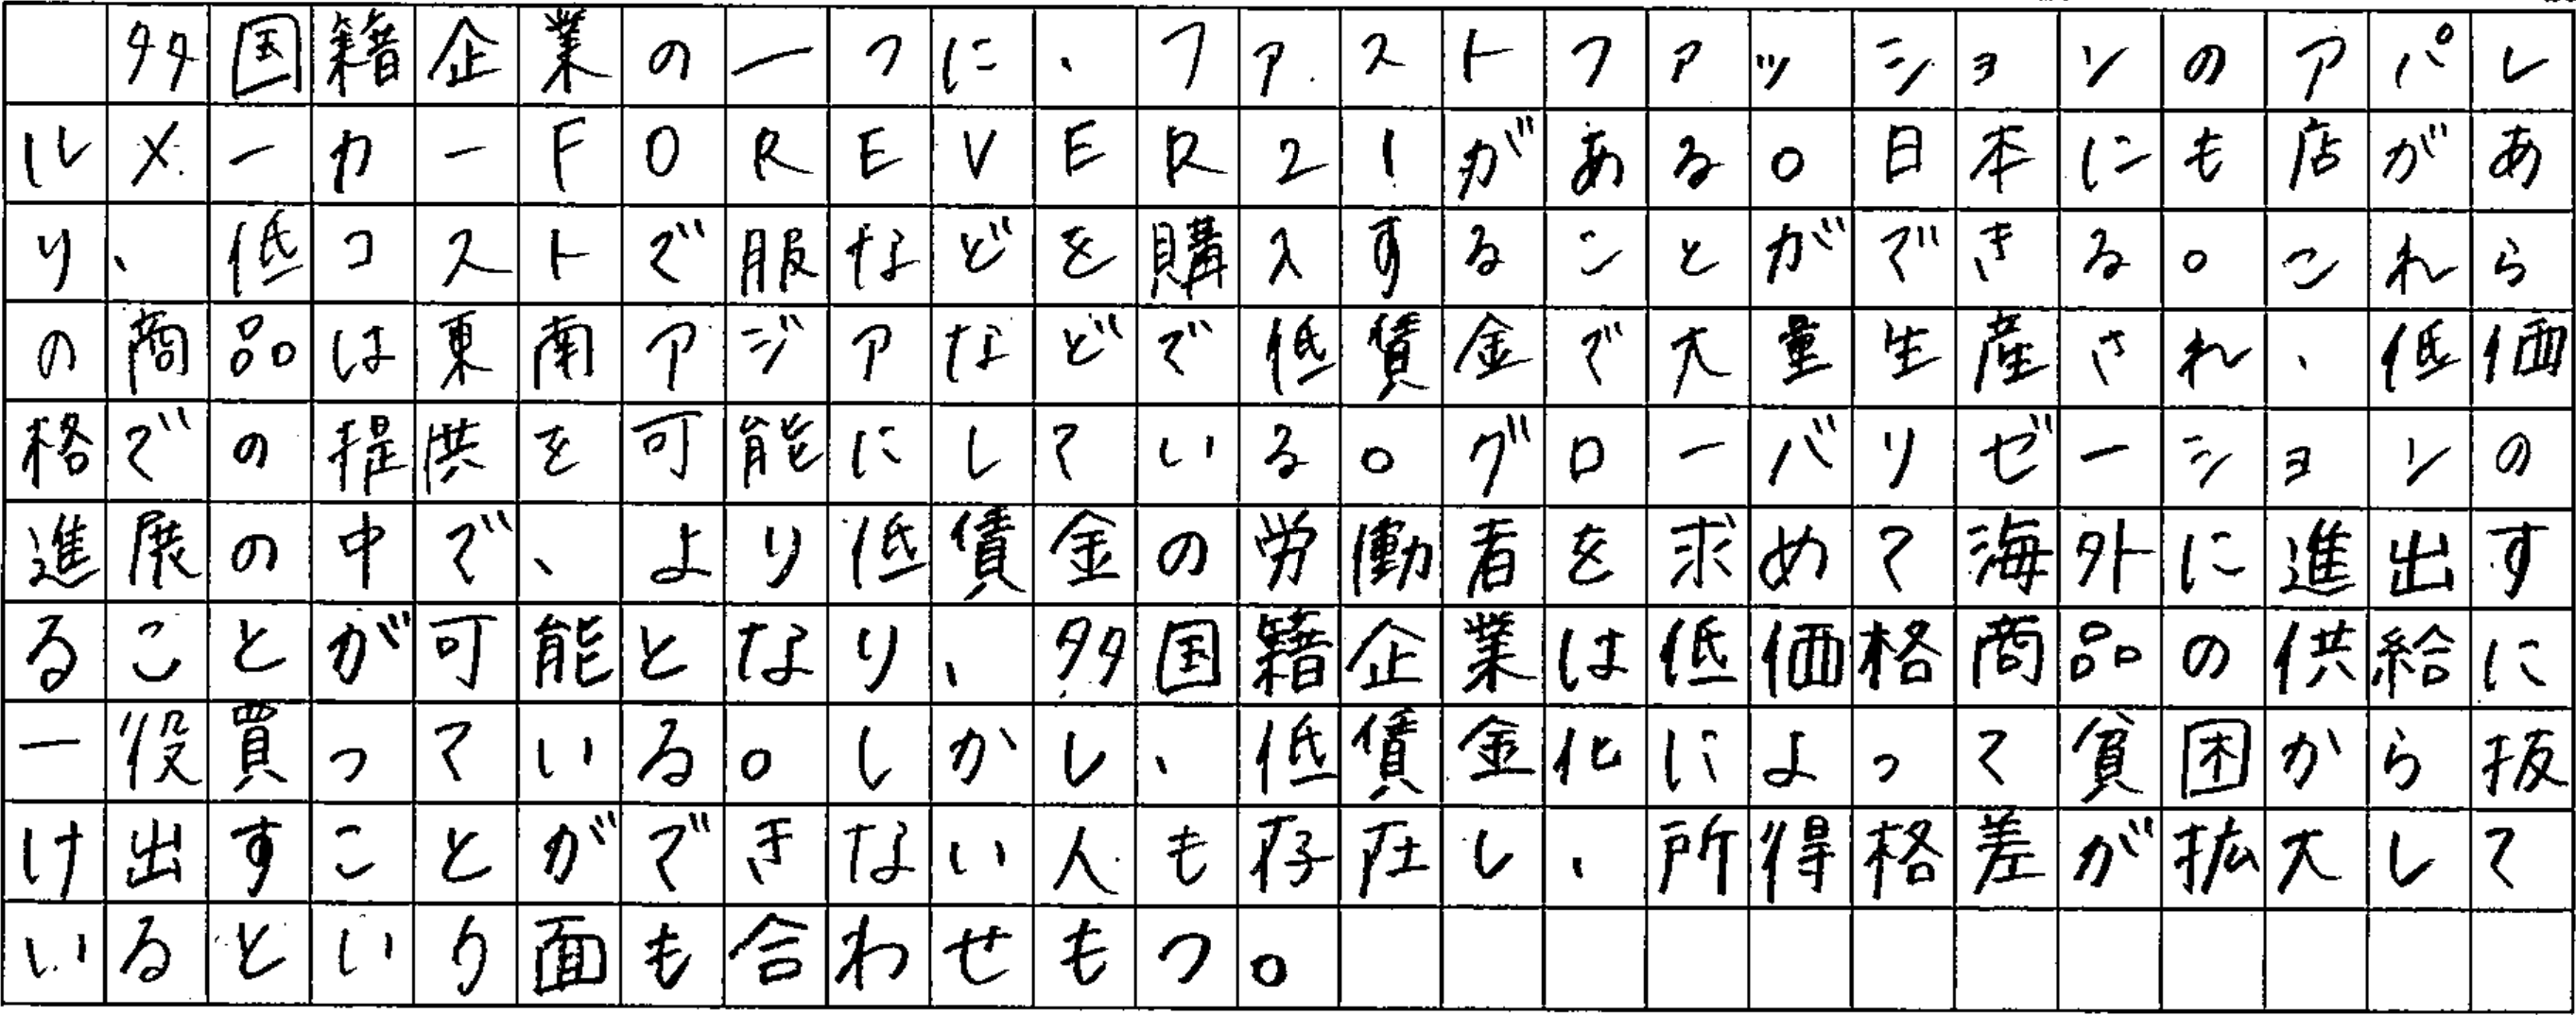　多国籍企業の一つに、ファストファッションのアパレルメーカーＦＯＲＥＶＥＲ２１がある。日本にも店があり、低コストで服などを購入することができる。これらの商品は東南アジアなどで低賃金で大量生産され、低価格での提供を可能にしている。グローバリゼーションの進展の中で、より低賃金の労働者を求めて海外に進出することが可能となり、多国籍企業は低価格商品の供給に一役買っている。しかし、低賃金化によって貧困から抜け出すことができない人も存在し、所得格差が拡大しているという面も合わせもつ。
